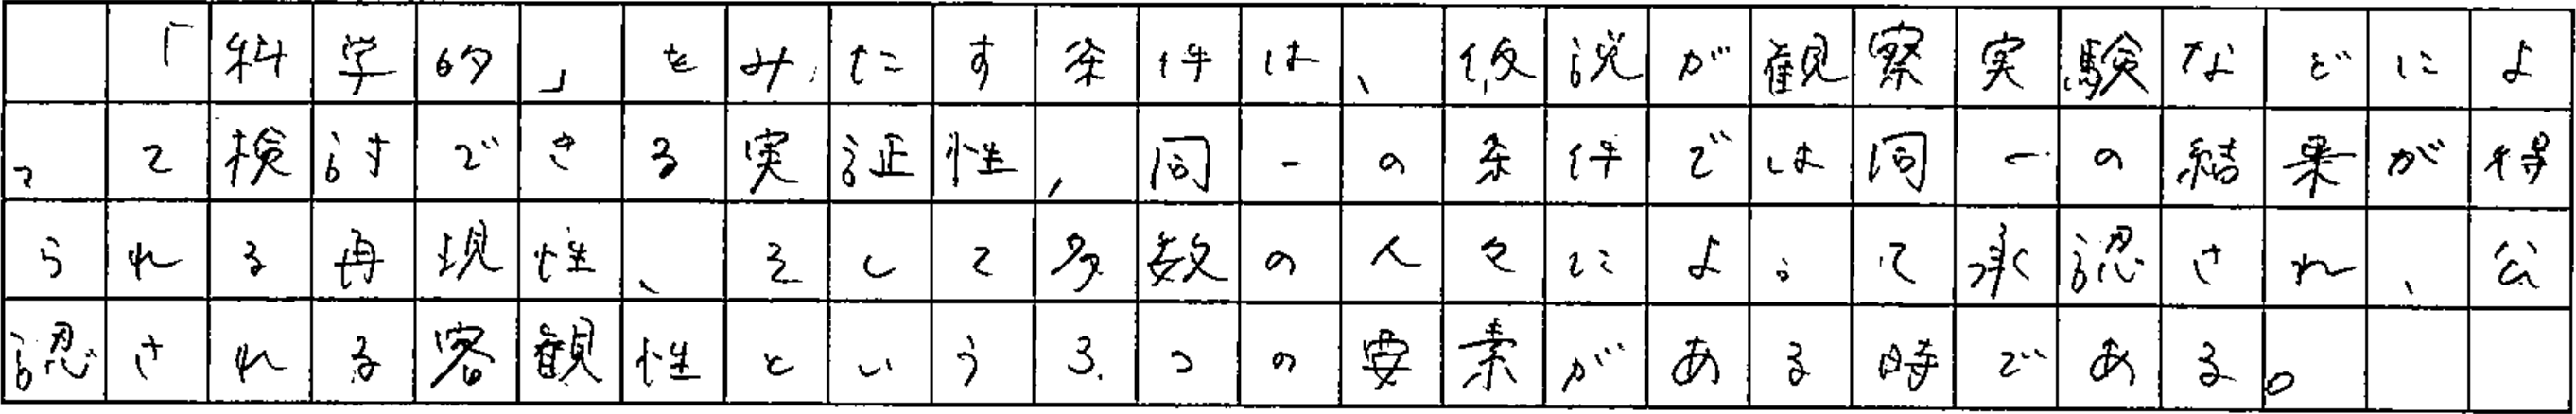　「科学的」をみたす条件は、仮説が観察実験などによって検討できる実証性、同一の条件では同一の結果が得られる再現性、そして多数の人々によって承認され、公認される客観性という３つの要素がある時である。
